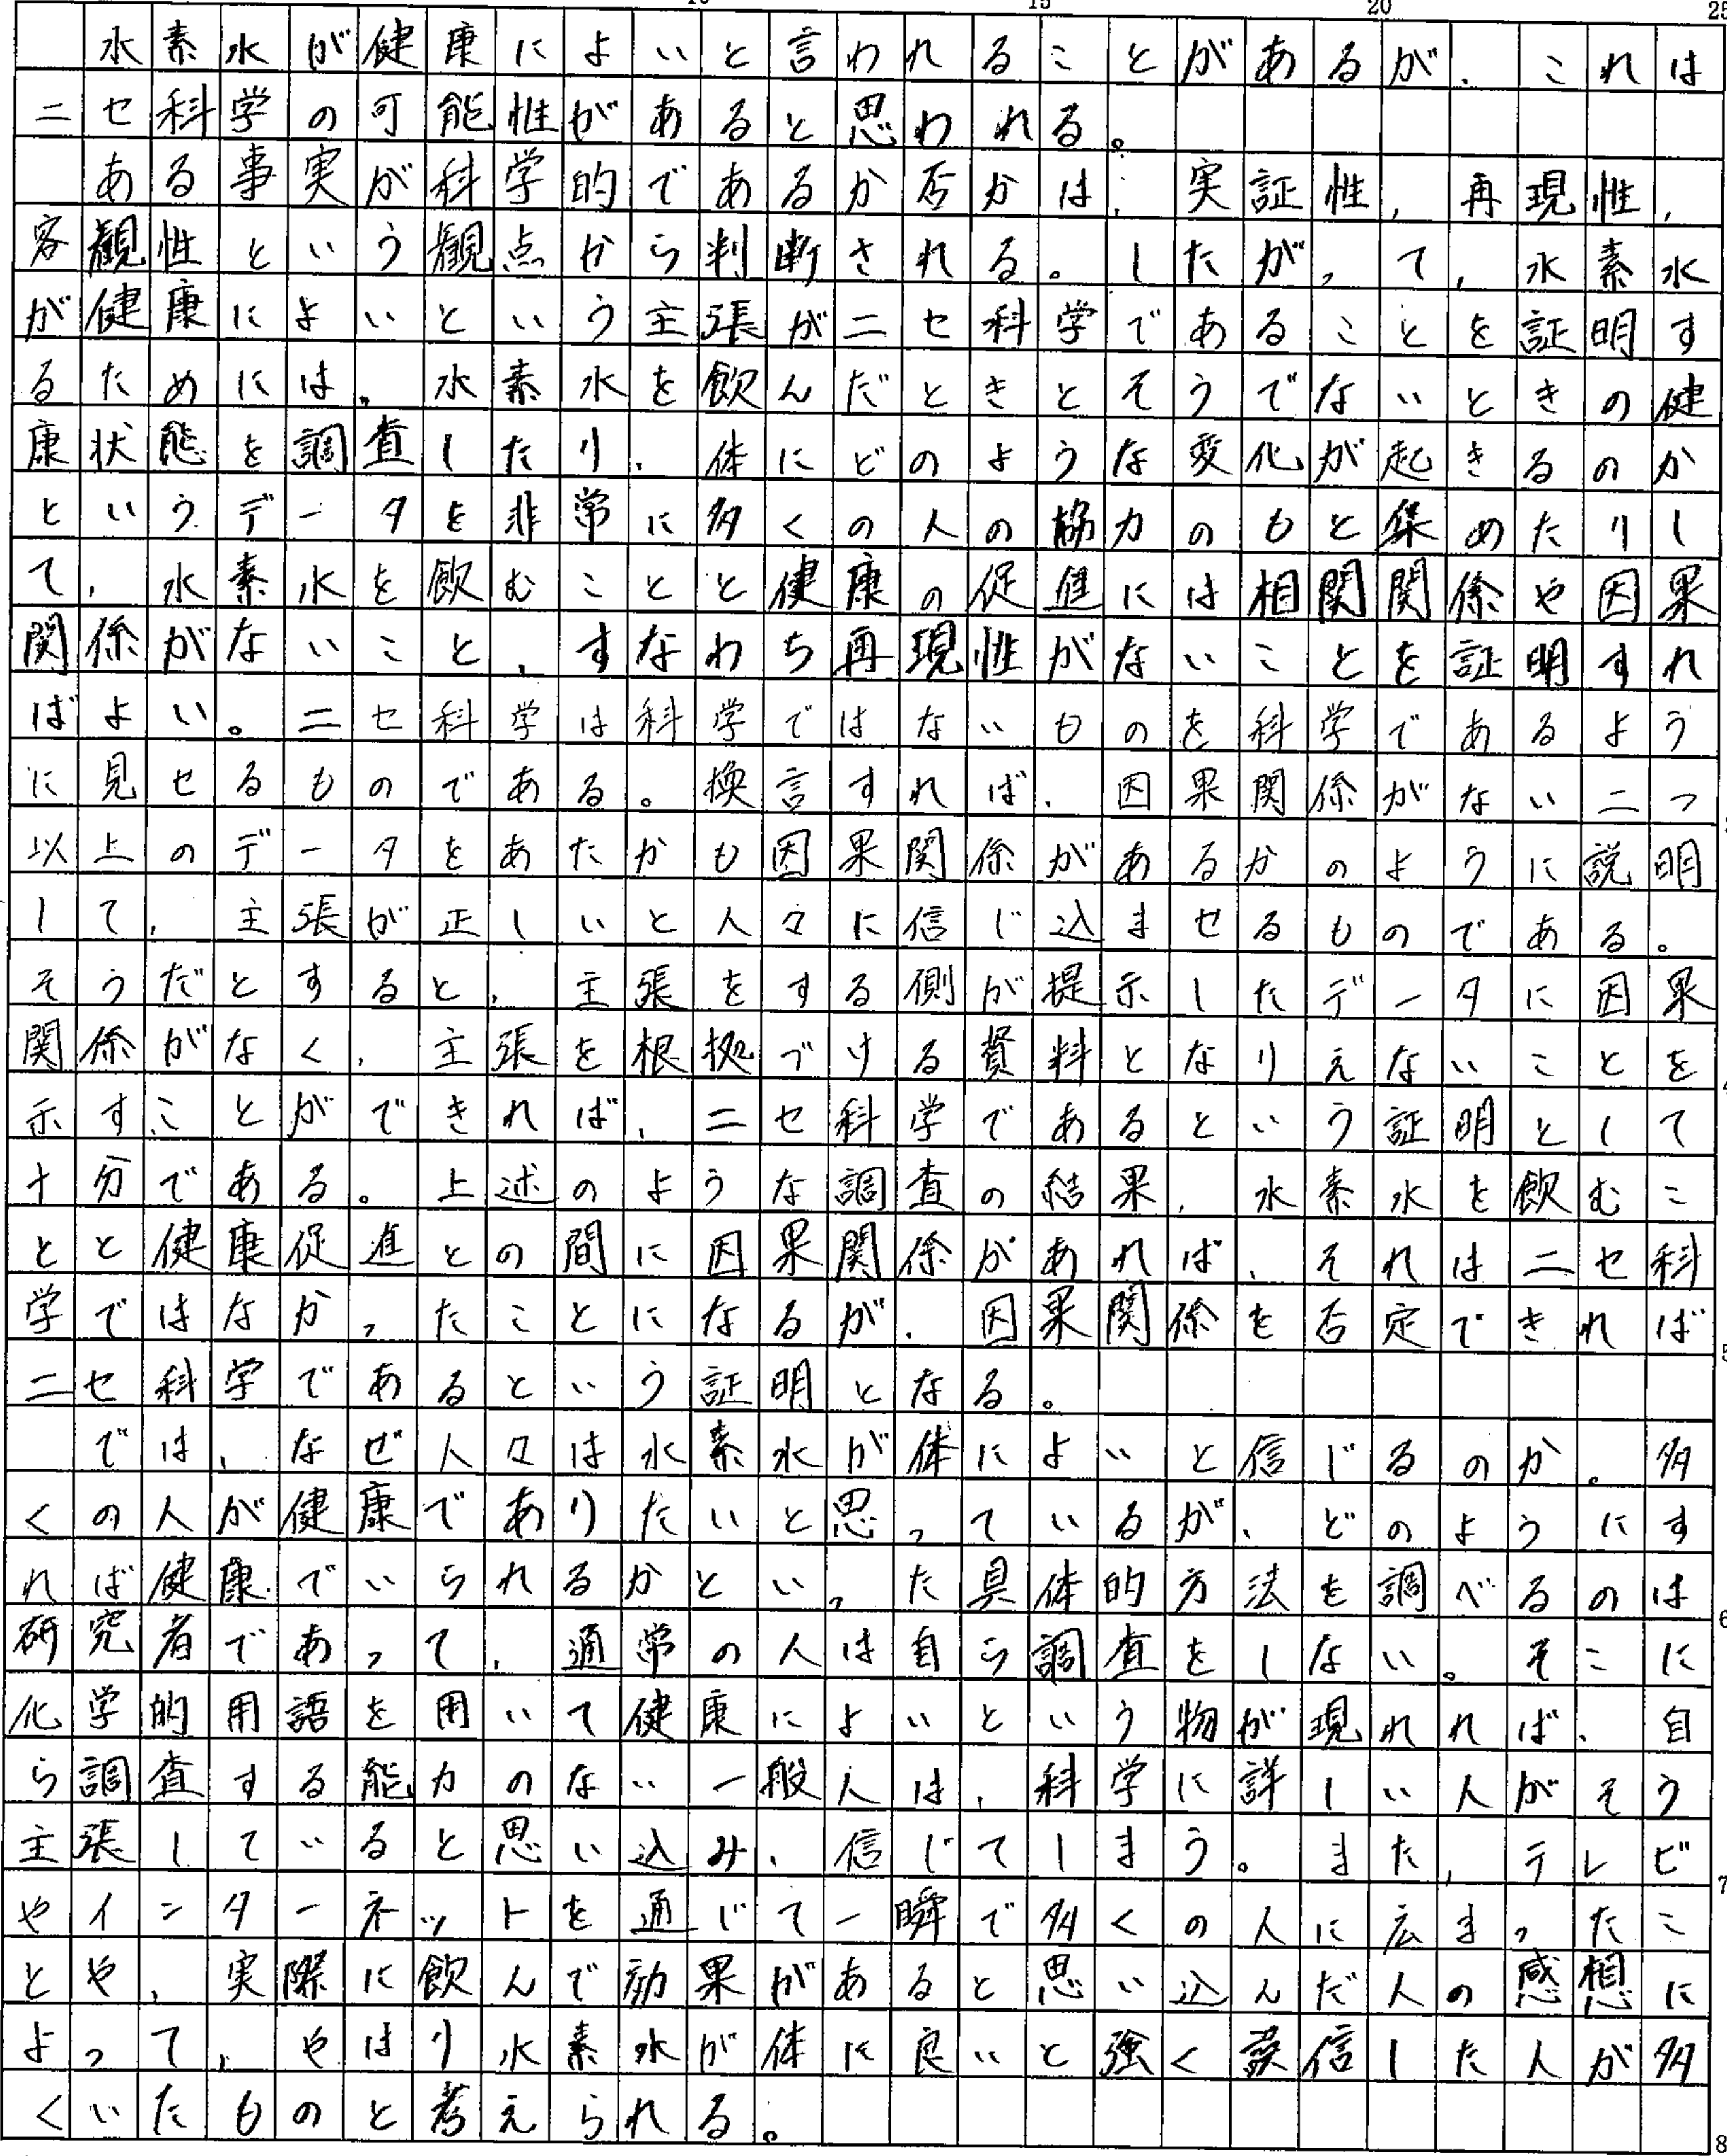　水素水が健康によいと言われることがあるが、これはニセ科学の可能性があると思われる。
　ある事実が科学的であるか否かは、実証性、再現性、客観性という観点から判断される。したがって、水素水が健康によいという主張がニセ科学であることを証明するためには、水素水を飲んだときとそうでないときの健康状態を調査したり、体にどのような変化が起きるのかというデータを非常に多くの人の協力のもと集めたりして、水素水を飲むことと健康の促進には相関関係や因果関係がないこと、すなわち再現性がないことを証明すればよい。ニセ科学は科学ではないものを科学であるように見せるものである。換言すれば、因果関係がない二つ以上のデータをあたかも因果関係があるかのように説明して、主張が正しいと人々に信じ込ませるものである。そうだとすると、主張をする側が提示したデータに因果関係がなく、主張を根拠づける資料となりえないことを示すことができれば、ニセ科学であるという証明として十分である。上述のような調査の結果、水素水を飲むことと健康促進との間に因果関係があれば、それはニセ科学ではなかったことになるが、因果関係を否定できればニセ科学であるという証明となる。
　では、なぜ人々は水素水が体によいと信じるのか。多くの人が健康でありたいと思っているが、どのようにすれば健康でいられるかといった具体的方法を調べるのは研究者であって、通常の人は自ら調査をしない。そこに化学的用語を用いて健康によいという物が現れれば、自ら調査する能力のない一般人は、科学に詳しい人がそう主張していると思い込み、信じてしまう。また、テレビやインターネットを通じて一瞬で多くの人に広まったことや、実際に飲んで効果があると思い込んだ人の感想によって、やはり水素水が体に良いと強く誤信した人が多くいたものと考えられる。
